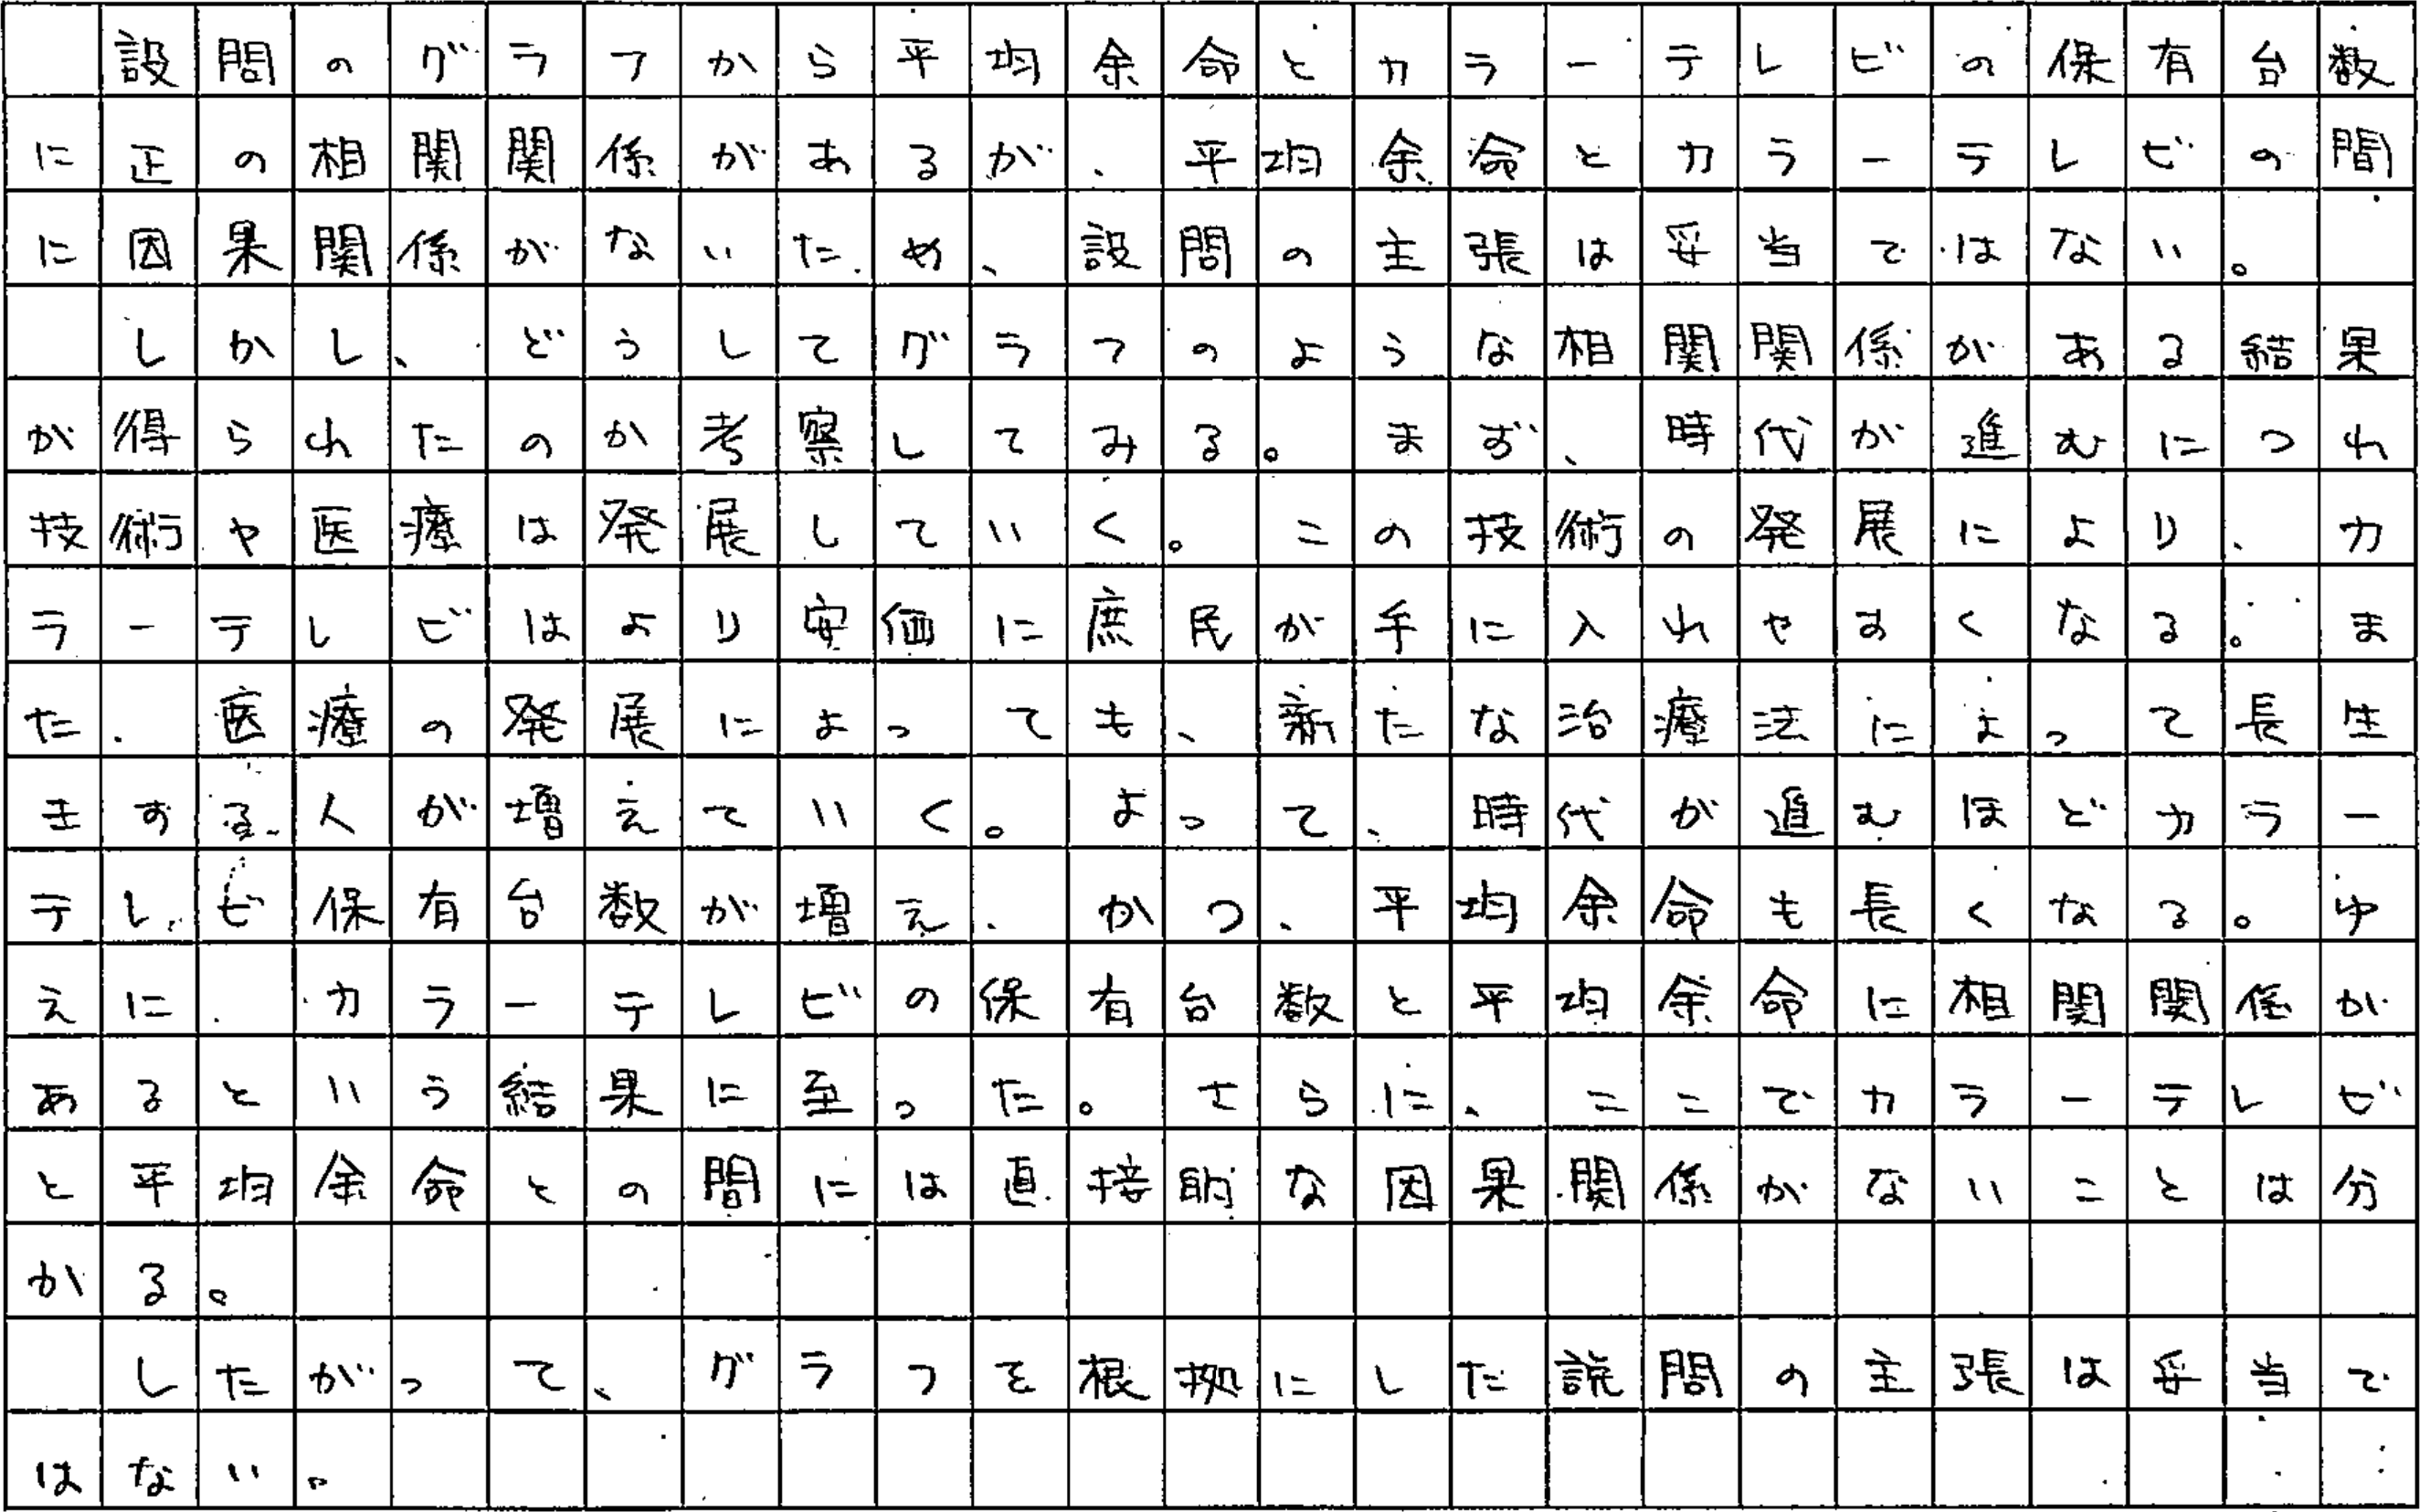　設問のグラフから平均余命とカラーテレビの保有台数に正の相関関係があるが、平均余命とカラーテレビの間に因果関係がないため、設問の主張は妥当ではない。
　しかし、どうしてグラフのような相関関係がある結果が得られたのか考察してみる。まず、時代が進むにつれ技術や医療は発展していく。この技術の発展により、カラーテレビはより安価に庶民が手に入れやすくなる。また、医療の発展によっても、新たな治療法によって長生きする人が増えていく。よって、時代が進むほどカラーテレビ保有台数が増え、かつ、平均余命も長くなる。ゆえに、カラーテレビの保有台数と平均余命に相関関係があるという結果に至った。さらに、ここでカラーテレビと平均余命との間には直接的な因果関係がないことは分かる。
　したがって、グラフを根拠にした説問の主張は妥当ではない。
